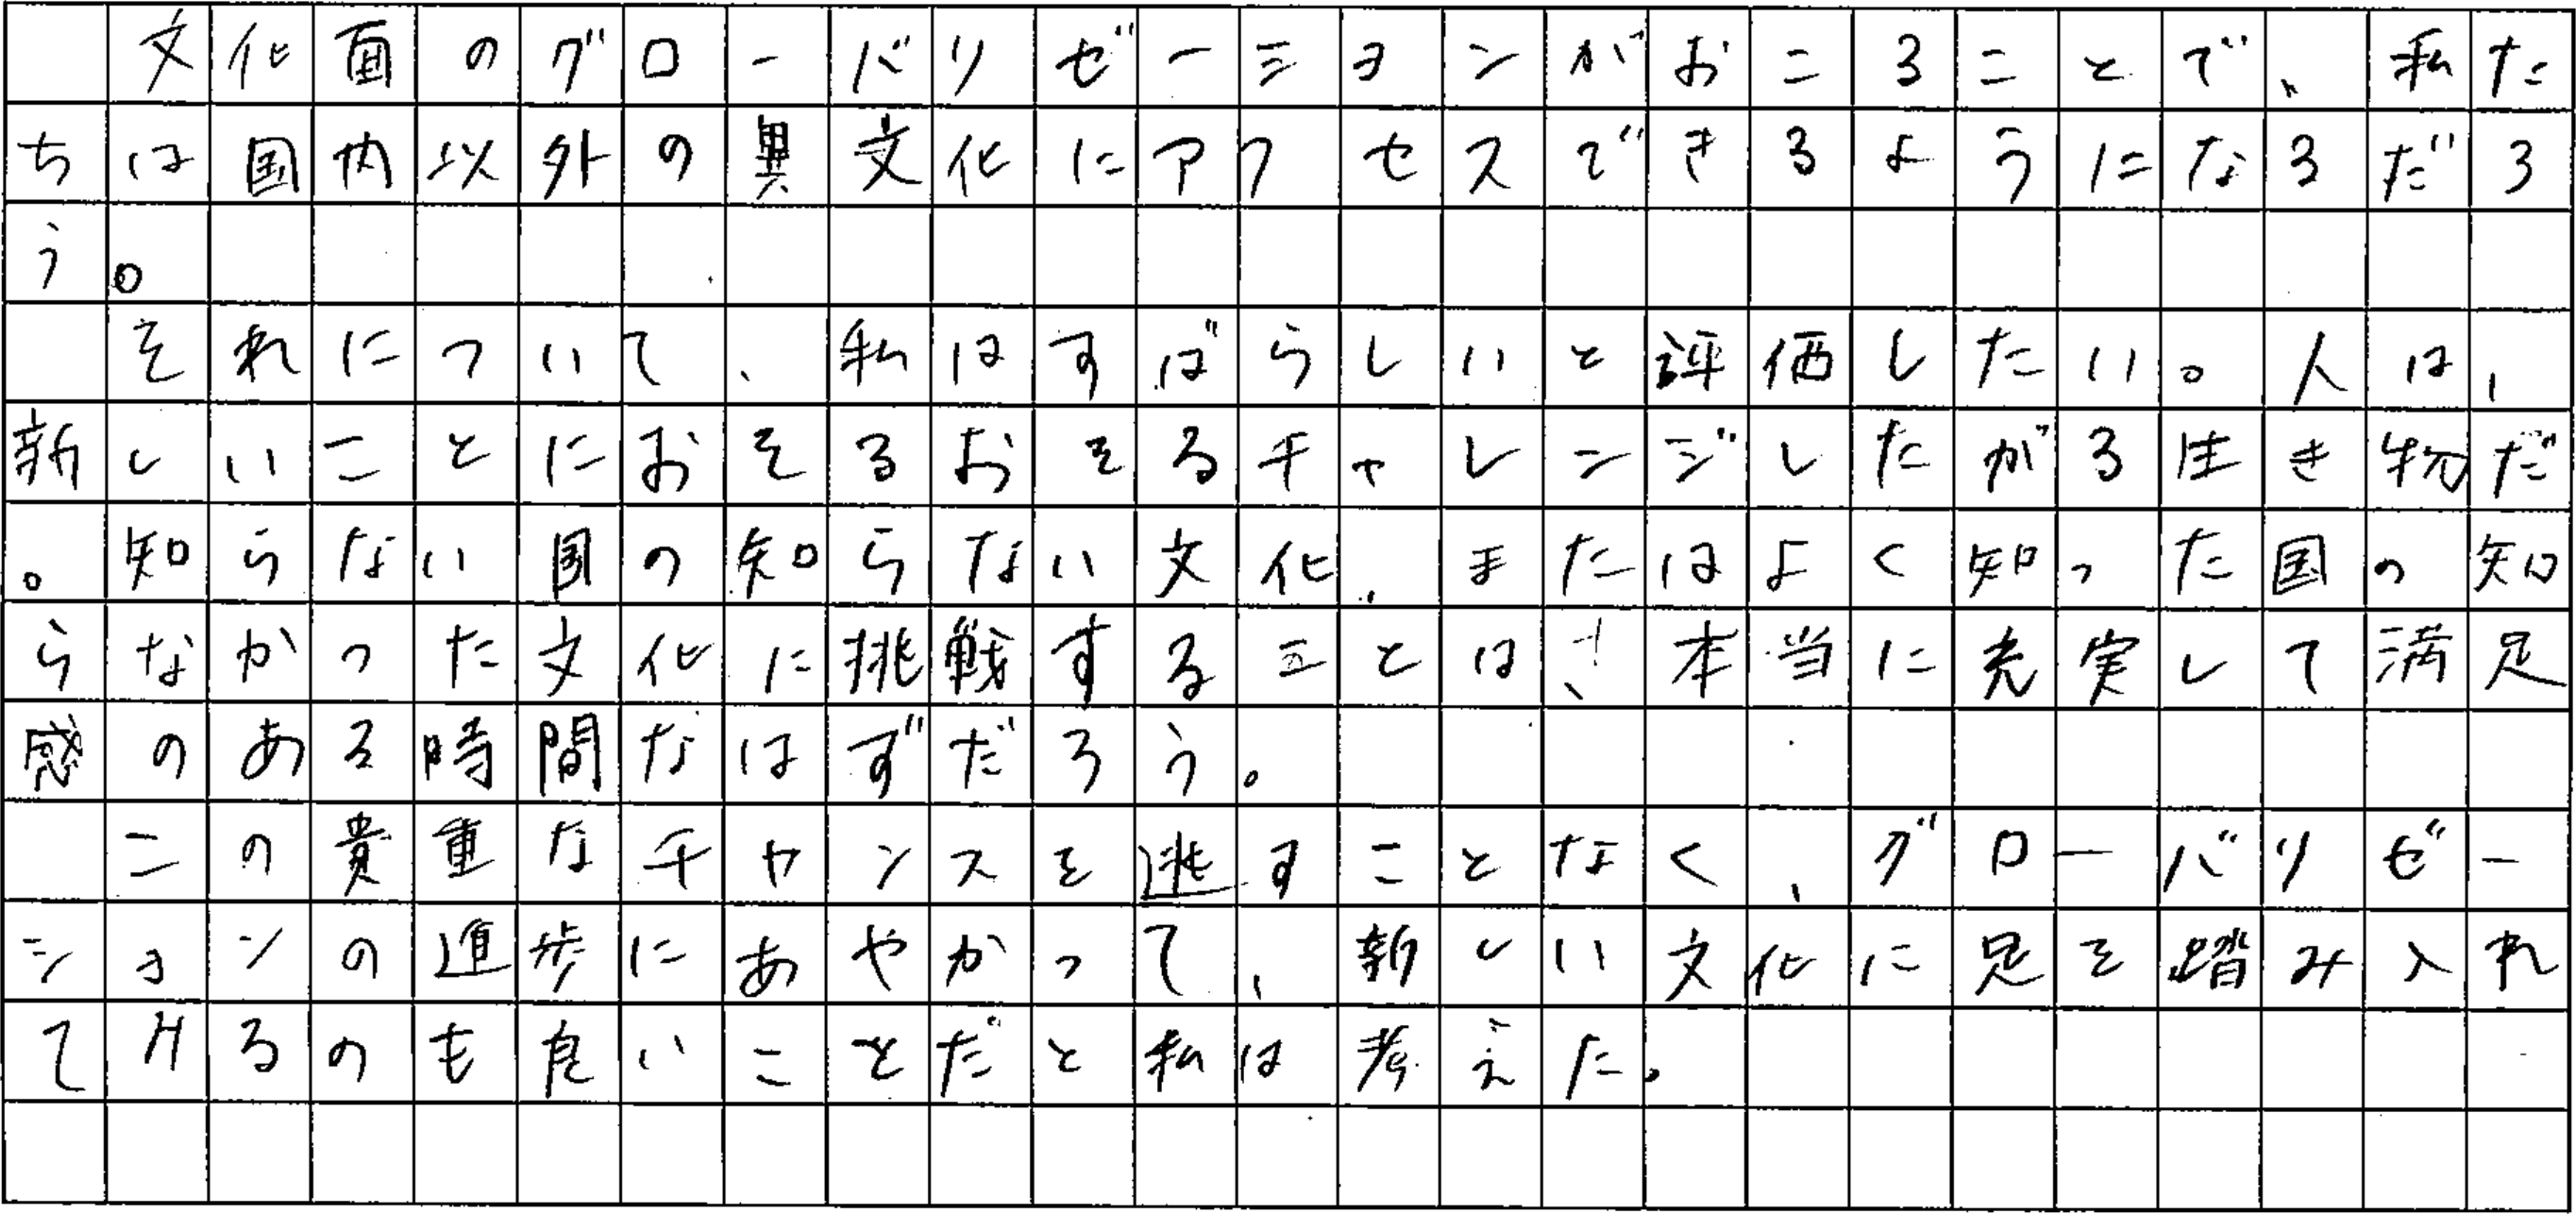　文化面のグローバリゼーションがおこることで、私たちは国内以外の異文化にアクセスできるようになるだろう。
　それについて、私はすばらしいと評価したい。人は、新しいことにおそるおそるチャレンジしたがる生き物だ。知らない国の知らない文化、またはよく知った国の知らなかった文化に挑戦することは、本当に充実して満足感のある時間なはずだろう。
　この貴重なチャンスを逃すことなく、グローバリゼーションの進歩にあやかって、新しい文化に足を踏み入れてみるのも良いことだと私は考えた。
